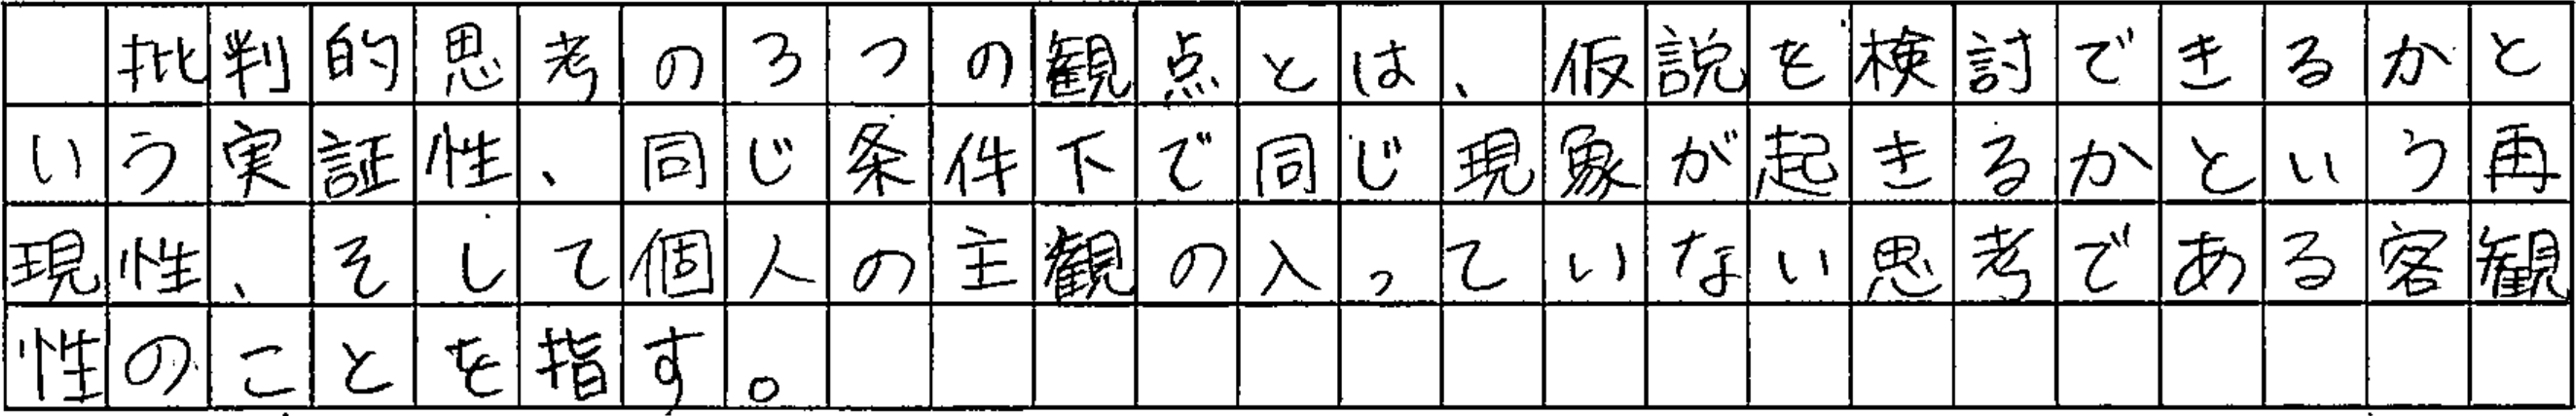　批判的思考の３つの観点とは、仮説を検討できるかという実証性、同じ条件下で同じ現象が起きるかという再現性、そして個人の主観の入っていない思考である客観性のことを指す。
